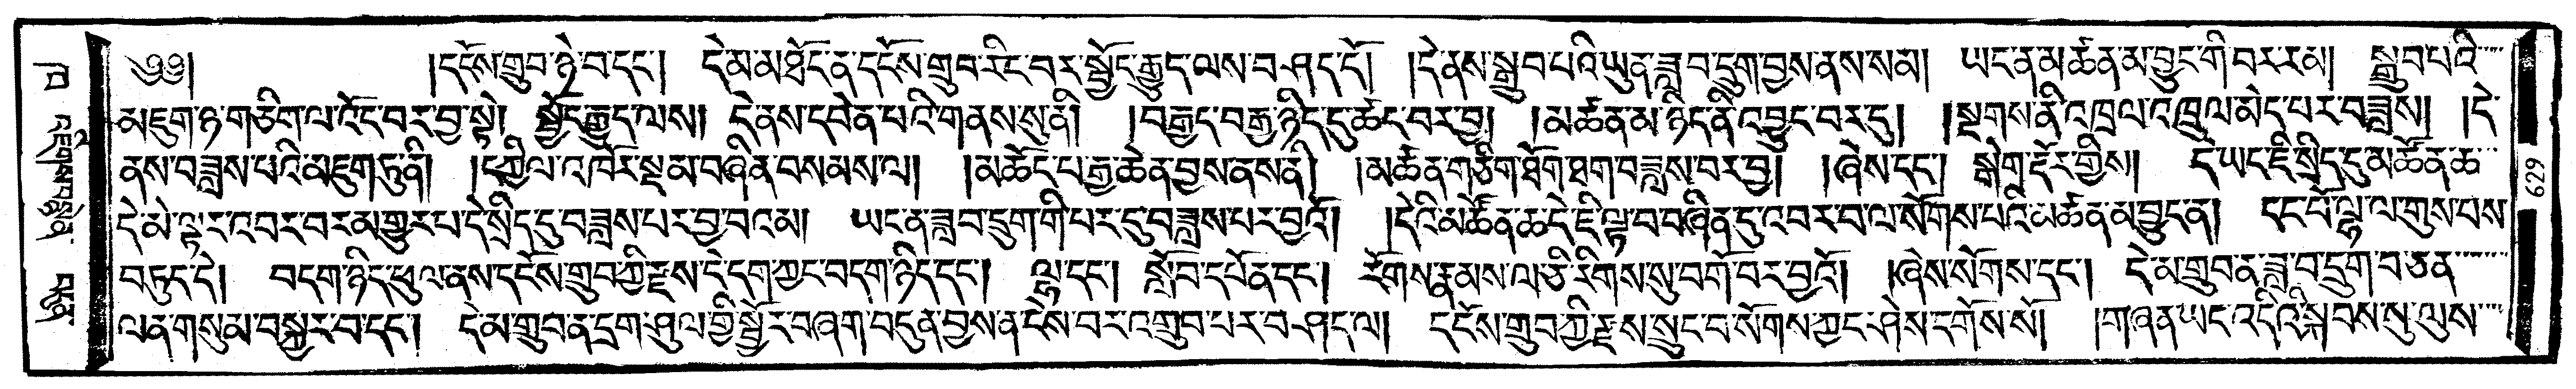༄༅། །དངོས་གྲུབ་ཉེ་བ་དང་། དེ་མ་མཐོང་ན་དངོས་གྲུབ་རིང་བར་སྦྱོང་རྒྱུད་ལས་བཤད་དོ། །དེ་ནས་སྒྲུབ་པའི་ཡུན་ཟླ་བ་དྲུག་བྱས་ནས་སམ། ཡང་ན་མཚན་མ་བྱུང་གི་བར་རམ། སྒྲུབ་པའི་
མཇུག་ཉ་གཅིག་ལ་འོང་བར་བྱ་སྟེ། སྦྱོང་རྒྱུད་ལས། དེ་ནས་དབེན་པའི་གནས་སུ་ནི། །བརྒྱད་བརྒྱ་ཉིད་དུ་ཚང་བར་བྱ། །མཚན་མ་ཉིད་ནི་འབྱུང་བར་དུ། །སྔགས་ནི་འཁྲལ་འཁྲུལ་མེད་པར་བཟླས། །དེ་
ནས་བཟླས་པའི་མཇུག་ཏུ་ནི། །དཀྱིལ་འཁོར་སྔ་མ་བཞིན་བསམས་ལ། །མཆོད་པ་རྒྱ་ཆེན་བྱས་ནས་ནི། །མཚན་གཅིག་ཐོག་ཐག་བཟླས་བར་བྱ། །ཞེས་དང་། སྒེག་རྡོར་གྱིས། དེ་ཡང་ཇི་སྲིད་དུ་མཚོན་ཆ་
དེ་མེ་ལྟར་འབར་བར་མ་གྱུར་པ་དེ་སྲིད་དུ་བཟླས་པར་བྱ་བའམ། ཡང་ན་ཟླ་བ་དྲུག་གི་པར་དུ་བཟླས་པར་བྱའོ། །དེའི་མཚོན་ཆ་དེ་ཇི་ལྟ་བ་བཞིན་དུ་འབར་བ་ལ་སོགས་པའི་མཚན་མ་བྱུང་ན། དང་པོ་ལྷ་ལ་གུས་པས་
བཏུད་དེ། བདག་ཉིད་ཕུལ་ནས་དངོས་གྲུབ་ཀྱི་རྫས་དེ་དག་ཀྱང་བདག་ཉིད་དང་། ལྷ་དང་། སློབ་དཔོན་དང་། རོགས་རྣམས་ལ་ཅི་རིགས་སུ་བགོ་བར་བྱའོ། །ཞེས་སོགས་དང་། དེ་མ་གྲུབ་ན་ཟླ་བ་དྲུག་བ་ཅན་
ལན་གསུམ་བསྐྱར་བ་དང་། དེ་མ་གྲུབ་ན་དྲག་ཤུལ་གྱི་སྦྱོར་བཞག་བདུན་བྱས་ན་ངེས་བར་འགྲུབ་པར་བཤད་ལ། དངོས་གྲུབ་ཀྱི་རྫས་སྲུང་བ་སོགས་ཀྱང་ཤེས་དགོས་སོ། །གཞན་ཡང་འདིའི་སྐབས་སུ་ལུས་